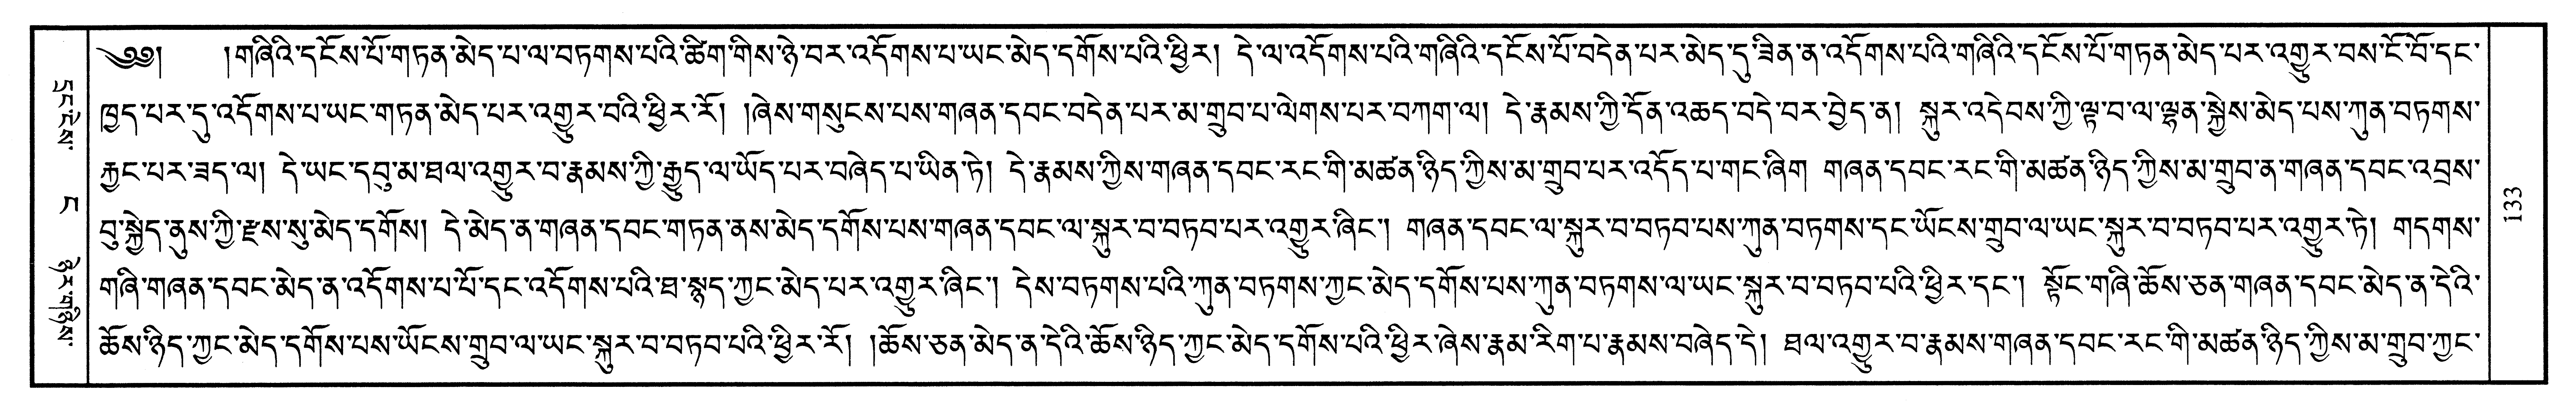༄༅། །གཞིའི་དངོས་པོ་གཏན་མེད་པ་ལ་བཏགས་པའི་ཚིག་གིས་ཉེ་བར་འདོགས་པ་ཡང་མེད་དགོས་པའི་ཕྱིར། དེ་ལ་འདོགས་པའི་གཞིའི་དངོས་པོ་བདེན་པར་མེད་དུ་ཟིན་ན་འདོགས་པའི་གཞིའི་དངོས་པོ་གཏན་མེད་པར་འགྱུར་བས་ངོ་བོ་དང་
ཁྱད་པར་དུ་འདོགས་པ་ཡང་གཏན་མེད་པར་འགྱུར་བའི་ཕྱིར་རོ། །ཞེས་གསུངས་པས་གཞན་དབང་བདེན་པར་མ་གྲུབ་པ་ལེགས་པར་བཀག་ལ། དེ་རྣམས་ཀྱི་དོན་འཆད་བདེ་བར་བྱེད་ན། སྐུར་འདེབས་ཀྱི་ལྟ་བ་ལ་ལྷན་སྐྱེས་མེད་པས་ཀུན་བཏགས་
རྐྱང་པར་ཟད་ལ། དེ་ཡང་དབུ་མ་ཐལ་འགྱུར་བ་རྣམས་ཀྱི་རྒྱུད་ལ་ཡོད་པར་བཞེད་པ་ཡིན་ཏེ། དེ་རྣམས་ཀྱིས་གཞན་དབང་རང་གི་མཚན་ཉིད་ཀྱིས་མ་གྲུབ་པར་འདོད་པ་གང་ཞིག་གཞན་དབང་རང་གི་མཚན་ཉིད་ཀྱིས་མ་གྲུབ་ན་གཞན་དབང་འབྲས་
བུ་སྐྱེད་ནུས་ཀྱི་རྫས་སུ་མེད་དགོས། དེ་མེད་ན་གཞན་དབང་གཏན་ནས་མེད་དགོས་པས་གཞན་དབང་ལ་སྐུར་བ་བཏབ་པར་འགྱུར་ཞིང་། གཞན་དབང་ལ་སྐུར་བ་བཏབ་པས་ཀུན་བཏགས་དང་ཡོངས་གྲུབ་ལ་ཡང་སྐུར་བ་བཏབ་པར་འགྱུར་ཏེ། གདགས་
གཞི་གཞན་དབང་མེད་ན་འདོགས་པ་པོ་དང་འདོགས་པའི་ཐ་སྙད་ཀྱང་མེད་པར་འགྱུར་ཞིང་། དེས་བཏགས་པའི་ཀུན་བཏགས་ཀྱང་མེད་དགོས་པས་ཀུན་བཏགས་ལ་ཡང་སྐུར་བ་བཏབ་པའི་ཕྱིར་དང་། སྟོང་གཞི་ཆོས་ཅན་གཞན་དབང་མེད་ན་དེའི་
ཆོས་ཉིད་ཀྱང་མེད་དགོས་པས་ཡོངས་གྲུབ་ལ་ཡང་སྐུར་བ་བཏབ་པའི་ཕྱིར་རོ། །ཆོས་ཅན་མེད་ན་དེའི་ཆོས་ཉིད་ཀྱང་མེད་དགོས་པའི་ཕྱིར་ཞེས་རྣམ་རིག་པ་རྣམས་བཞེད་དེ། ཐལ་འགྱུར་བ་རྣམས་གཞན་དབང་རང་གི་མཚན་ཉིད་ཀྱིས་མ་གྲུབ་ཀྱང་